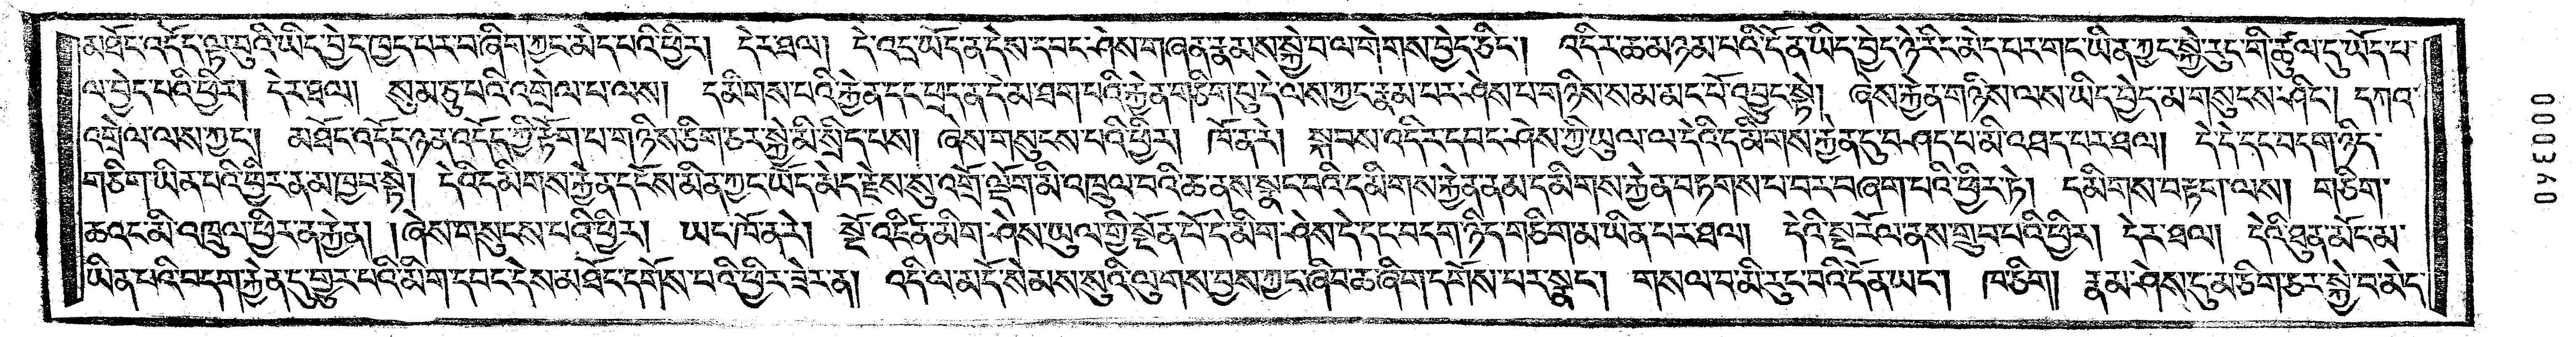མཐོང་འདོད་ལྟ་བུའི་ཡིད་བྱེད་ཁྱད་པར་བ་ཞིག་ཀྱང་མེད་པའི་ཕྱིར། དེར་ཐལ། དེ་འདྲ་ཡོད་ན་དེས་དབང་ཤེས་གཞན་རྣམས་སྐྱེ་བ་ལ་གེགས་བྱེད་ཅིང་། འདིར་ཆ་མཉམ་པའི་དོན་ཡིད་བྱེད་ཉེ་རིང་མེད་པར་གང་ཡིན་ཀྱང་སྐྱེ་རུང་གི་ཚུལ་དུ་ཡོད་པ་
ལ་བྱེད་པའི་ཕྱིར། དེར་ཐལ། སུམ་ཅུ་པའི་འགྲེལ་པ་ལས། དམིགས་པའི་རྐྱེན་དང་ཕྲད་ན་དེ་མ་ཐག་པའི་རྐྱེན་གཅིག་པུ་དེ་ལས་ཀྱང་རྣམ་པར་ཤེས་པ་གཉིས་སམ་མང་པོ་འབྱུང་སྟེ། ཞེས་རྐྱེན་གཉིས་ལས་ཡིད་བྱེད་མ་གསུངས་ཤིང་། དཀའ་
འབྲེལ་ལས་ཀྱང་། མཐོང་འདོད་ཉན་འདོད་ཀྱི་རྟོག་པ་གཉིས་ཅིག་ཅར་སྐྱེ་མི་སྲིད་པས། ཞེས་གསུངས་པའི་ཕྱིར། ཁོ་ན་རེ། སྐབས་འདིར་དབང་ཤེས་ཀྱི་ཡུལ་ལ་དེའི་དམིགས་རྐྱེན་དུ་བཤད་པ་མི་འཐད་པར་ཐལ། དེ་དེ་དང་བདག་ཉིད་
གཅིག་ཡིན་པའི་ཕྱིར་ན་མ་ཁྱབ་སྟེ། དེའི་དམིགས་རྐྱེན་དངོས་མིན་ཀྱང་ཡོད་མེད་རྗེས་སུ་འགྲོ་ལྡོག་མི་འཁྲུལ་པའི་ཆ་ནས་སྣང་བའི་དམིགས་རྐྱེན་ནམ་དམིགས་རྐྱེན་བཏགས་པ་བར་བཞག་པའི་ཕྱིར་ཏེ། དམིགས་པ་རྟག་ལས། གཅིག་
ཆའང་མི་འཁྲུལ་ཕྱིར་ན་རྐྱེན། །ཞེས་གསུངས་པའི་ཕྱིར། ཡང་ཁོ་ན་རེ། སྔོ་འཛིན་མིག་ཤེས་ཡུལ་གྱི་སྔོན་པོ་དེ་མིག་ཤེས་དེ་དང་བདག་ཉིད་གཅིག་མ་ཡིན་པར་ཐལ། དེའི་སཱ་རོལ་ནས་གྲུབ་པའི་ཕྱིར། དེར་ཐལ། དེའི་ཐུན་མོང་མ་
ཡིན་པའི་བདག་རྐྱེན་དུ་གྱུར་བའི་མིག་དབང་དེས་མཐོང་དགོས་པའི་ཕྱིར་ཟེར་ན། འདི་ལ་མདོ་སེམས་སུའི་ལུགས་བྱས་ཀྱང་ཞིབ་ཆ་ཞིག་དགོས་པར་སྣང་། གསལ་བ་མི་རུང་བའི་དོན་ཡང་། ཁ་ཅིག། རྣམ་ཤེས་དུ་མ་ཅིག་ཅར་སྐྱེ་བ་མེད་